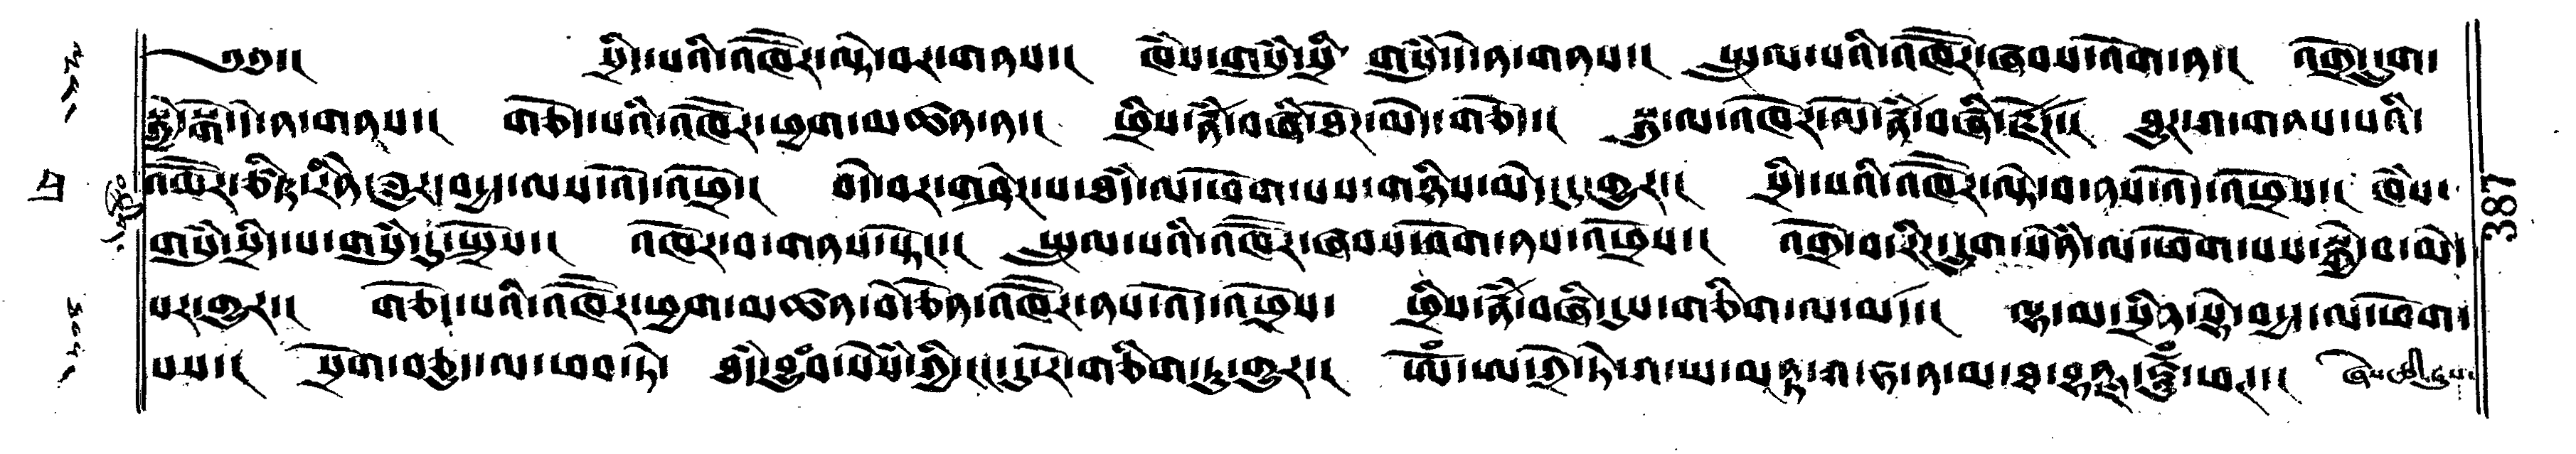།སྲིད་པའི་འཁོར་ལོ་ལྟེ་བར་གནས། ཁམས་གསུམ་སྲིད་གསུམ་དེ་ན་གནས། །སྤྲུལ་པའི་འཁོར་ལོ་ཞབས་འོག་ན། །འགྲོ་དྲུག་
སྐྱེ་སྒོ་དེ་ན་གནས། །གཅོད་པའི་འཁོར་ལོ་ཕྱག་མཚན་ན། །ཕྲིན་ལས་རྣམ་བཞིས་ཐོགས་མེད་གཅོད། །སྐུ་ལ་འཁོར་ལོ་རྣམ་བཞི་རྫོགས། ཐུགས་ཀ་གནས་པའི་
འཁོར་ལོ་ཙིཏྟ་རིན་ཆེན་ཟུར་བརྒྱད་ལས་འོད་འཕྲོས། བདེ་བར་གཤེགས་པ་ཐམས་ཅད་ལ་ཕོག་པས་གཉིས་མེད་དུ་གྱུར། སྲིད་པའི་འཁོར་ལོ་ལྟེ་བ་ནས་འོད་འཕྲོས། ཁམས་
གསུམ་སྲིད་པ་གསུམ་དུ་སྤྲོས། འཁོར་བ་གནས་སྟོངས། སྤྲུལ་པའི་འཁོར་ལོ་ཞབས་འོག་ནས་འཕྲོས། འགྲོ་བ་རིགས་དྲུག་སེམས་ཅན་ལ་ཕོག་པས་སྐྱེ་བ་མེད་
པར་གྱུར། གཅོད་པའི་འཁོར་ལོ་ཕྱག་མཚན་བེ་ཅོན་འཁོར་ལོ་ནས་འོད་འཕྲོས། ཕྲིན་ལས་རྣམ་བཞི་དུས་གཅིག་ལ་མཛད། ལྷ་མ་སྲིན་སྡེ་བརྒྱད་ལ་ཕོག་
པས། སྲོག་བཅུད་ལ་ཕབ་ཏེ། ཐམས་ཅད་བྱང་ཆུབ་སེམས་ཀྱི་ངང་དུ་རོ་གཅིག་ཏུ་གྱུར། ཨོཾ་ཨ་ཀྲོ་ཏེ་ཀ་ཡ་མཱནྟ་ཀ་ཧ་ན་མ་ཐ་བྷནྫ་ཧཱུྃ་ཕཊཿ ཞེས་ཅི་ནུས་